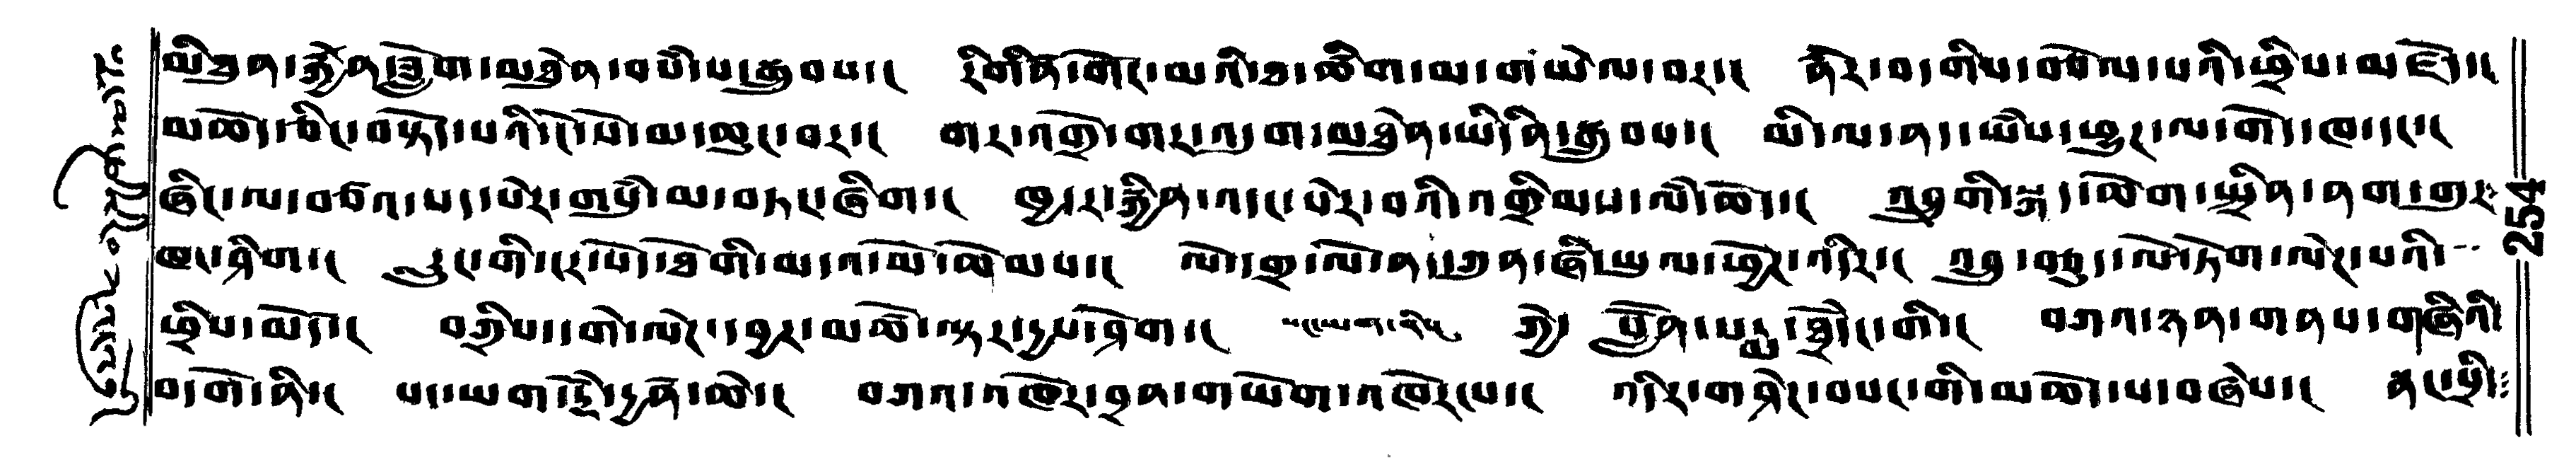།མི་མཐུན་རྐྱེན་ཟློག་མཐུན་མཁྱེན་བསམ་པ་སྒྲུབས། །རིག་འཛིན་གོང་མའི་ཐ་ཚིག་མ་གཡེལ་བར། །རྣལ་འབྱོར་བདག་གིས་བཅོལ་པའི་ཕྲིན་ལས་མཛོད། །
མཆོད་ཅིང་བསྟོད་པའི་ངོ་སོ་མ་ཆུང་བར། །གར་འགྲོ་གང་འདུག་མཐུན་རྐྱེན་ཡིད་བཞིན་སྒྲུབས། །མི་ལ་ནད་ཡམས་ཕྱུགས་ལ་གོད་ཁ་དང་། །
ཞིང་ལ་བཙའ་སད་སེར་གསུམ་བཏང་ཞིག ཁྱད་པར་སྐྱིན་ཐང་སེར་བའི་འགྲིམས་ལམ་ཆོད། །འབྲུག་གི་སྐད་གཙོག་སྤྲིན་ནག་གུར་
ཁང་ཤིག །རླུང་གི་ངར་སོད་ཐོག་གི་མདའ་མོ་ཆོམས། །ལོ་དགྲ་ལོ་ནད་ཀུན་ཞི་ཡུལ་ཕྱོགས་འདིར། །འབྲུ་བཅུད་ལོ་ཏོག་ལེགས་པའི་
ཕྲིན་ལས་མཛོད། །བཀྲ་ཤིས་བདེ་ལེགས་དབྱར་མཚོ་ལྟར་རྒྱས་ཤོག སང་ཡག་ནི། ཀྱཻ། །སློབ་དཔོན་པདྨ་ཐོད་ཕྲེང་གི །བཀའ་ཉན་གནས་གཞིའི་
བདག་པོ་ནི། །སང་ཡག་རྡོ་རྗེ་རྒྱལ་མཚན་ཆེ། །བཀའ་འཁོར་བྲན་གཡོག་འཁོར་དང་བཅས། །འདིར་གཤེགས་བསང་གི་མཆོད་པ་བཞེས། །སྣང་སྲིད་